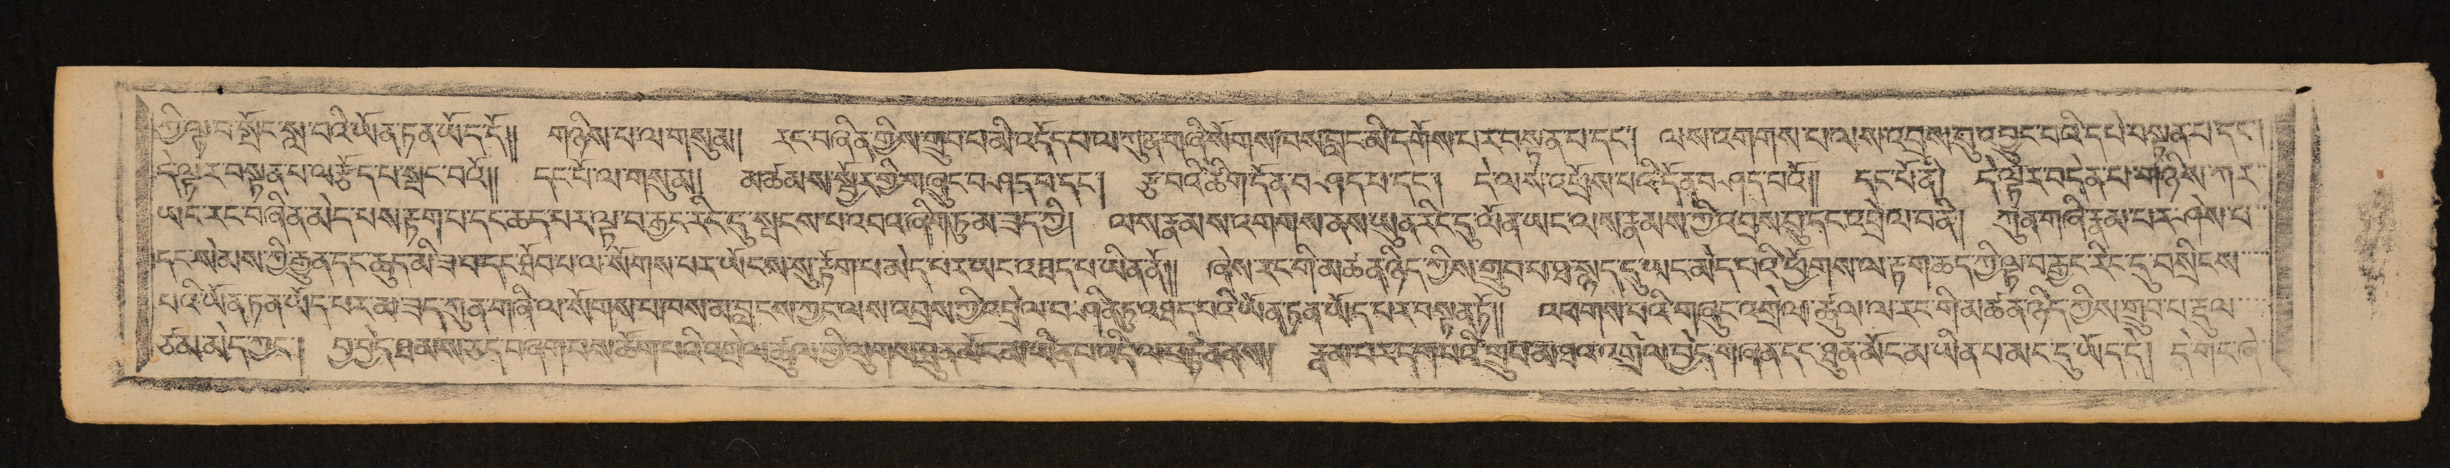ཀྱི་ལྟ་བ་སྤོང་སླ་བའི་ཡོན་ཏན་ཡོད་དོ།། གཉིས་པ་ལ་གསུམ། རང་བཞིན་གྱིས་གྲུབ་པ་མི་འདོད་པ་ལ་ཀུན་གཞི་སོགས་ཁས་བླང་མི་དགོས་པར་བསྟན་པ་དང་། ལས་འགགས་པ་ལས་འབྲས་བུ་འབྱུང་བའི་དཔེ་བསྟན་པ་དང་།
དེ་ལྟར་བསྟན་པ་ལ་རྩོད་པ་སྤང་པའོ།། དང་པོ་ལ་གསུམ། མཚམས་སྦྱོར་གྱི་གཞུང་བཤད་པ་དང་། རྩ་བའི་ཚིག་དོན་བཤད་པ་དང་། དེ་ལས་འཕྲོས་པའི་དོན་བཤད་པའོ།། དང་པོ་ནི། དེ་ལྟར་བདེན་པ་གཉིས་ཀར་
ཡང་རང་བཞིན་མེད་པས་རྟག་པ་དང་ཆད་པར་ལྟ་བ་རྒྱང་རིང་དུ་སྤངས་པ་འབའ་ཞིག་ཏུ་མ་ཟད་ཀྱི། ལས་རྣམས་འགགས་ནས་ཡུན་རིང་དུ་ལོན་ཡང་ལས་རྣམས་ཀྱི་འབྲས་བུ་དང་འབྲེལ་བ་ནི། ཀུན་གཞི་རྣམ་པར་ཤེས་པ་
དང་སེམས་ཀྱི་རྒྱུན་དང་ཆུད་མི་ཟ་བ་དང་ཐོབ་པ་ལ་སོགས་པར་ཡོངས་སུ་རྟོག་པ་མེད་པར་ཡང་འཐད་པ་ཡིན་ནོ།། ཞེས་རང་གི་མཚན་ཉིད་ཀྱིས་གྲུབ་པ་ཐ་སྙད་དུ་ཡང་མེད་པའི་ཕྱོགས་ལ་རྟག་ཆད་ཀྱི་ལྟ་བ་རྒྱང་རིང་དུ་བསྲིངས་
པའི་ཡོན་ཏན་ཡོད་པར་མ་ཟད་ཀུན་གཞི་ལ་སོགས་པ་ཁས་མ་བླངས་ཀྱང་ལས་འབྲས་ཀྱི་འབྲེལ་བ་ཤིན་ཏུ་འཐད་པའི་ཡོན་ཏན་ཡོད་པར་བསྟན་ཏོ།། འཕགས་པའི་གཞུང་འགྲེལ་ཚུལ་ལ་རང་གི་མཚན་ཉིད་ཀྱིས་གྲུབ་པ་རྡུལ་
ཙམ་མེད་ཀྱང་། བྱ་བྱེད་ཐམས་ཅད་བཞག་པས་ཆོག་པའི་འགྲེལ་ཚུལ་གྱི་ལུགས་ཐུན་མོང་མ་ཡིན་པ་འདི་ལ་བརྟེན་ནས། རྣམ་པར་དག་པའི་གྲུབ་མཐའ་འགྲེལ་བྱེད་གཞན་དང་ཐུན་མོང་མ་ཡིན་པ་མང་དུ་ཡོད་དེ། དེ་གང་ཞེ་